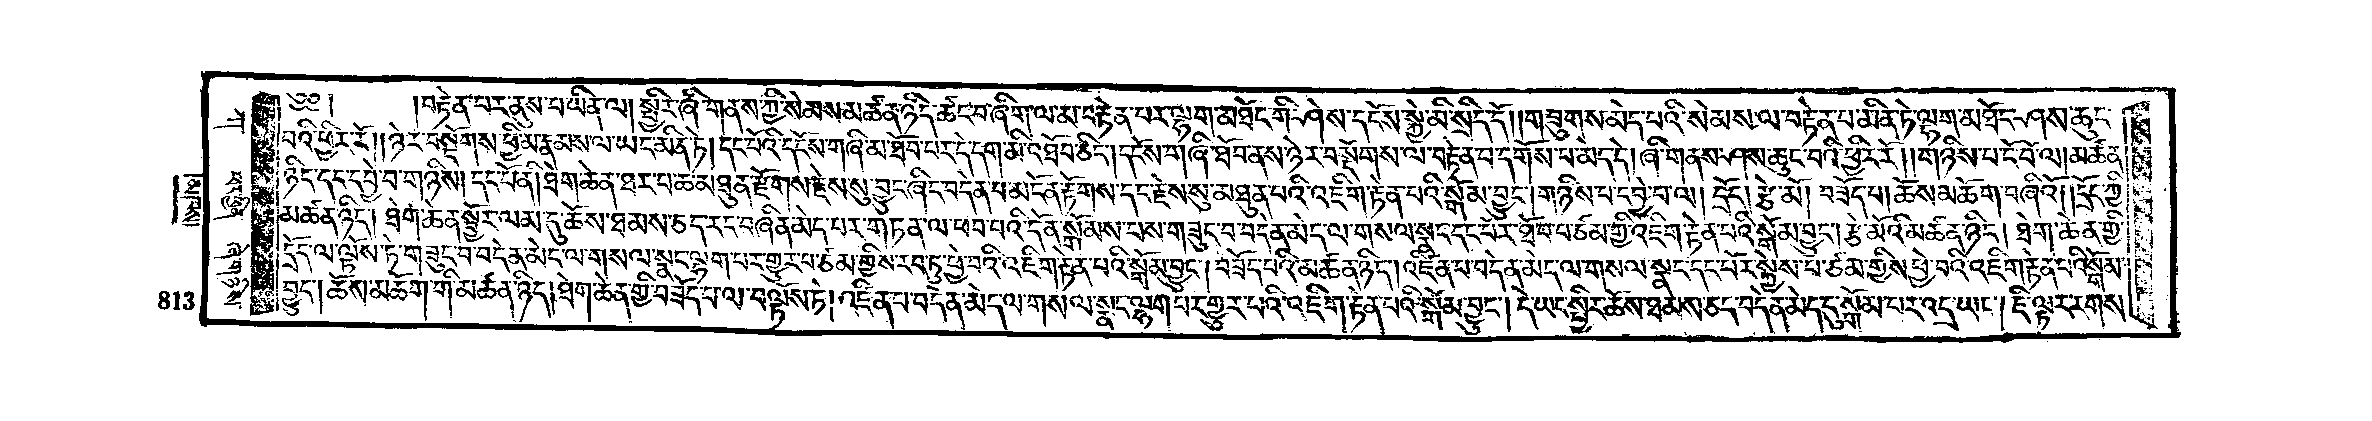༄༅། །བརྟེན་པར་ནུས་པ་ཡིན་ལ། སྤྱིར་ཞི་གནས་ཀྱི་སེམས་མཚན་ཉིད་ཚང་བ་ཞིག་ལ་མ་བརྟེན་པར་ལྷག་མཐོང་གི་ཤེས་དངོས་སྐྱེ་མི་སྲིད་དོ། །གཟུགས་མེད་པའི་སེམས་ལ་བརྟེན་པ་མིན་ཏེ་ལྷག་མཐོང་ཤས་ཆུང་
བའི་ཕྱིར་རོ། །ཉེར་བསྡོགས་ཕྱི་མ་རྣམས་ལ་ཡང་མིན་ཏེ། དང་པོའི་དངོས་གཞི་མ་ཐོབ་པར་དེ་དག་མི་འཐོབ་ཅིང་། དངོས་གཞི་ཐོབ་ནས་ཉེར་བསྡོགས་ལ་བརྟེན་པ་དགོས་པ་མེད་དེ། ཞི་གནས་ཤས་ཆུང་བའི་ཕྱིར་རོ། །གཉིས་པ་ངོ་བོ་ལ། མཚན་
ཉིད་དང་དབྱེ་བ་གཉིས། དང་པོ་ནི། ཐེག་ཆེན་ཐར་པ་ཆ་མཐུན་རྫོགས་རྗེས་སུ་བྱུང་ཞིང་བདེན་པ་མངོན་རྟོགས་དང་རྗེས་སུ་མཐུན་པའི་འཇིག་རྟེན་པའི་སྒོམ་བྱུང་། གཉིས་པ་དབྱེ་བ་ལ། དྲོད། རྩེ་མོ། བཟོད་པ། ཆོས་མཆོག་བཞིའོ། །དྲོད་ཀྱི་
མཚན་ཉིད། ཐེག་ཆེན་སྦྱོར་ལམ་དུ་ཆོས་ཐམས་ཅད་རང་བཞིན་མེད་པར་གཏན་ལ་ཕབ་པའི་དོན་སྒོམས་པས་གཟུང་བ་བདེན་མེད་ལ་གསལ་སྣང་དང་པོར་ཐོབ་པ་ཙམ་གྱི་འཇིག་རྟེན་པའི་སྒོམ་བྱུང་། རྩེ་མོའི་མཚན་ཉིད། ཐེག་ཆེན་གྱི་
དྲོད་ལ་ལྟོས་ཏེ་གཟུང་བ་བདེན་མེད་ལ་གསལ་སྣང་ལྷག་པར་གྱུར་པ་ཙམ་གྱིས་རབ་ཏུ་ཕྱེ་བའི་འཇིག་རྟེན་པའི་སྒོམ་བྱུང་། བཟོད་པའི་མཚན་ཉིད། འཛིན་པ་བདེན་མེད་ལ་གསལ་སྣང་དང་པོར་སྐྱེས་པ་ཙམ་གྱིས་ཕྱེ་བའི་འཇིག་རྟེན་པའི་སྒོམ་
བྱུང་། ཆོས་མཆོག་གི་མཚན་ཉིད། ཐེག་ཆེན་གྱི་བཟོད་པ་ལ་བལྟོས་ཏེ། འཛིན་པ་བདེན་མེད་ལ་གསལ་སྣང་ལྷག་པར་གྱུར་པའི་འཇིག་རྟེན་པའི་སྒོམ་བྱུང་། དེ་ཡང་སྤྱིར་ཆོས་ཐམས་ཅད་བདེན་མེད་དུ་སྒོམ་པར་འདྲ་ཡང་། ཇི་ལྟར་རགས་